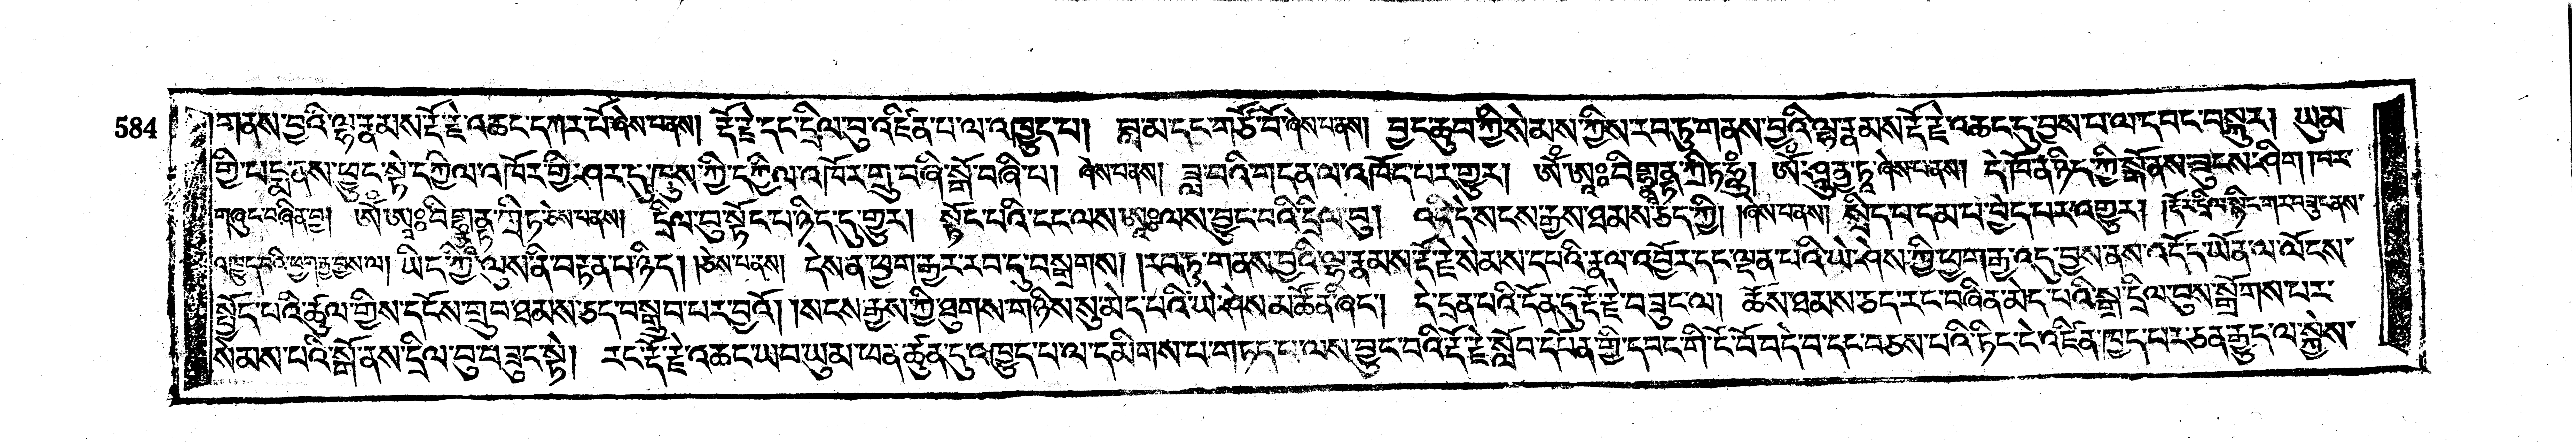གནས་བྱའི་ལྷ་རྣམས་རྡོ་རྗེ་འཆང་དཀར་པོ་ཞེས་པ་ནས།  རྡོ་རྗེ་དང་དྲིལ་བུ་འཛིན་པ་ལ་འཁྱུད་པ། བླ་མ་དང་གཙོ་བོ་ཞེས་པ་ནས།  བྱང་ཆུབ་ཀྱི་སེམས་ཀྱིས་རབ་ཏུ་གནས་བྱའི་ལྷ་རྣམས་རྡོར་ཇེ་འཆང་དུ་བྱས་པ་ལ་དབང་བསྐུར། ཡུམ་
གྱི་པདམ་ནས་ཕྱུང་སྟེ་དཀྱིལ་འཁོར་གྱི་ཤར་དུ་ཁྲུས་ཀྱི་དཀྱིལ་འཁོར་གྲུ་བཞི་སྒོ་བཞི་པ། ཞེས་པ་ནས།  ཟླ་བའི་གདན་ལ་འཁོད་པར་གྱུར། ཨོཾ་ཨཱཿབིགྷྣྰྣྟ་ཀྲིཏ་ཧཱུཾ། ཨོཾ་ཤཱུ་ནྱ་ཏཱ་ཞེས་པ་ནས།  དེ་ཁོ་ན་ཉིད་ཀྱི་སྒོ་ནས་ཟུངས་ཤིག །བ་
གཞུང་བཞིན་བྱ། ཨོཾ་ཨཱཿབིགྷྣྰྣྟ་ཀྲིཏ་ཅེས་པ་ནས།  དྲིལ་བུ་སྟོང་པ་ཉིད་དུ་གྱུར། སྟོང་པའི་ངང་ལས་ཨཱཿལས་བྱུང་བའི་དྲིལ་བུ། འདི་དེ་སངས་རྒྱས་ཐམས་ཅད་ཀྱི། །ཞེས་པ་ནས།  སྲེད་པ་དམ་པ་བྱེད་པར་འགྱུར། །རྡོལ་འདྲིལ་སྙིང་གར་བཞུང་ནས?
འཁྱུད་པའི་ཕྱག་རྒྱ་བྱས་ལ། ཡིད་ཀྱི་ལུས་ནི་བརྟན་པ་ཉིད། །ཅེས་པ་ནས།  དེས་ན་ཕྱག་རྒྱར་རབ་ཏུ་བསྒྲགས། །རབ་ཏུ་གནས་བྱའི་ལྷ་རྣམས་རྡོ་རྗེ་སེམས་དཔའི་རྣལ་འབྱོར་དང་ལྡན་པས་ཡེ་ཤེས་ཀྱི་ཕྱག་རྒྱ་འདུ་བྱས་ནས་འདོད་ཡོན་ལ་ལོངས་
སྤྱོད་པའི་ཚུལ་གྱིས་དངོས་གྲུབ་ཐམས་ཅད་བསྒྲུབ་པར་བྱའོ། །སངས་རྒྱས་ཀྱི་ཐུགས་གཉིས་སུ་མེད་པའི་ཡེ་ཤེས་མཚོན་ཞིང་། དེ་དྲན་པའི་དོན་དུ་རྡོ་རྗེ་བཟུང་ལ། ཆོས་ཐམས་ཅད་རང་བཞིན་མེད་པའི་སྒྲ་དྲིལ་བུས་སྒྲོགས་པར་
སེམས་པའི་སྒོ་ནས་དྲིལ་བུ་བཟུང་སྟེ། རང་རྡོ་རྗེ་འཆང་ཡབ་ཡུམ་ཕན་ཚུན་དུ་འཁྱུད་པ་ལ་དམིགས་པ་གཏད་པ་ལས་བྱུང་བའི་རྡོ་རྗེ་སློབ་དཔོན་གྱི་དབང་གི་ངོ་བོ་བདེ་བ་དང་བཅས་པའི་ཏིང་ངེ་འཛིན་ཁྱད་པར་ཅན་རྒྱུད་ལ་སྐྱེས་